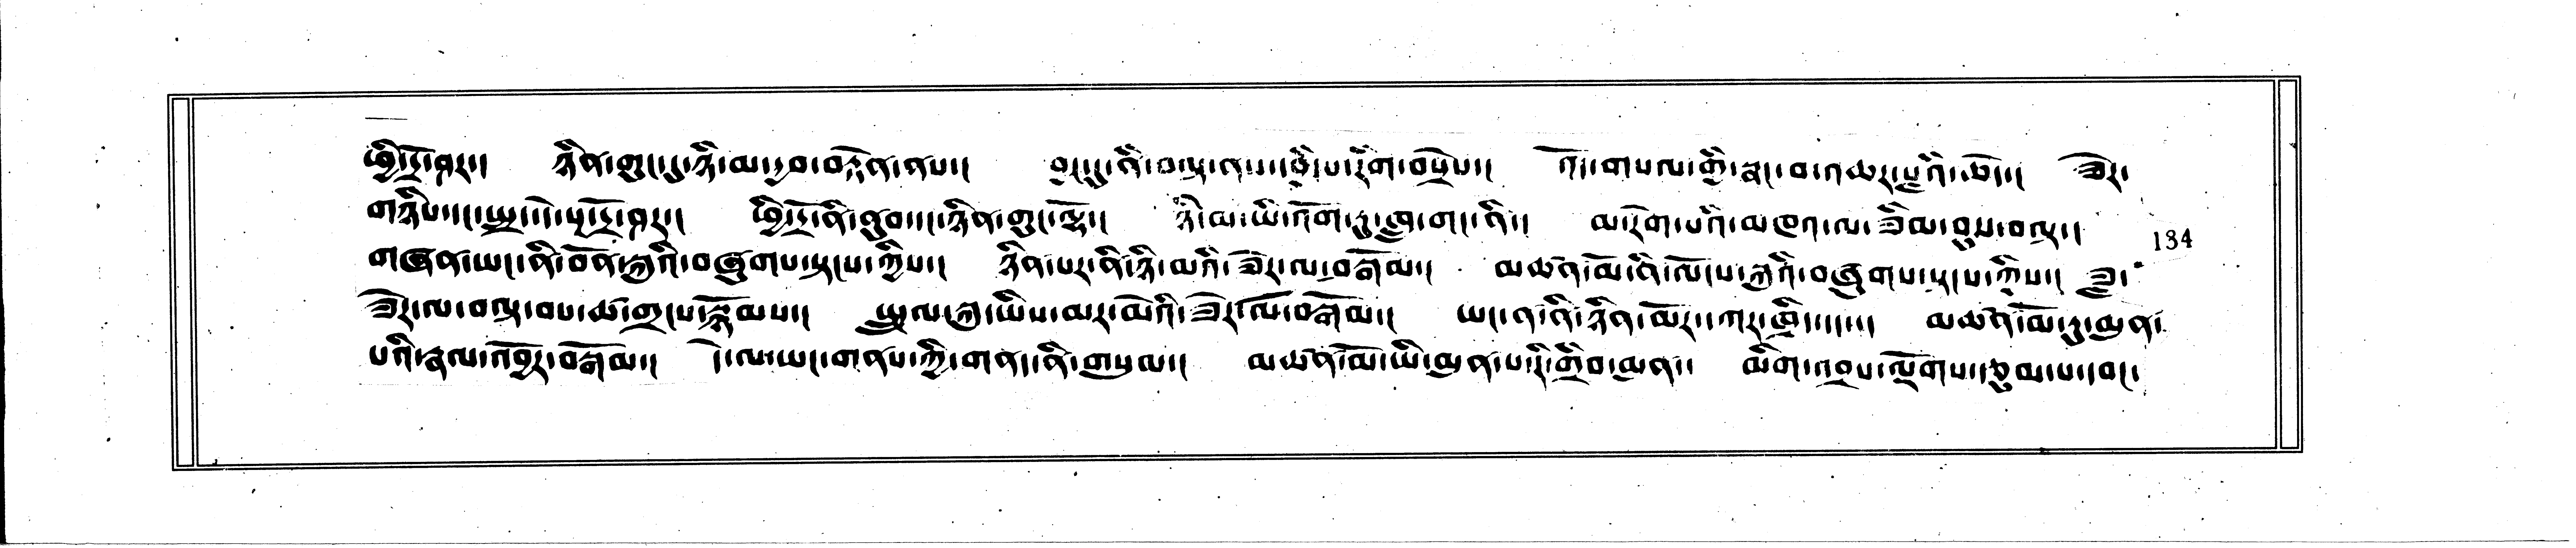ཕྱི་དྲོ་ཤར། །ཉིན་གུང་དུ་ཉི་མ་རྒྱབ་བརྟེན་ནས། །བྱང་དུ་ནི་བལྟ་ནས་དབྱིངས་རིག་བསྲེས། །འོད་གསལ་གྱི་སྣང་བ་འཆར་སླའི་ཆེད། །ཟེར་
གཉིས་དང་སྤྲད་དེ་སྔ་དྲོ་ཤར། །ཕྱི་དྲོ་ནི་ནུབ་དང་ཉིན་གུང་ལྷོ། །ཉི་མ་ཡི་འོག་ཏུ་ཁྲུ་གང་ནི། །མ་རེག་པའི་མཁའ་ལ་ཟིམ་བུས་བལྟ། །
གཞན་ཡང་ནི་བོན་སྐུའི་བཞུགས་སྟངས་ཀྱིས། །ཉིན་པར་ནི་ཉི་མའི་ཟེར་ལ་བསྒོམ། །མཚན་མོ་ནི་ལོངས་སྐུའི་བཞུགས་སྟངས་ཀྱིས། །ཟླ་
ཟེར་ལ་བལྟ་བས་ཚ་གྲང་སྙོམས། །སྤྲུལ་སྐུ་ཡིས་མར་མེའི་ཟེར་ལ་བསྒོམ། །ཡང་ན་ནི་ཉིན་མོར་དཀར་ཁྲིད་དང་། །མཚན་མོ་རུ་མུན་
པའི་རྣལ་འབྱོར་བསྒོམ། །དེ་ལ་ཡང་གནས་ཀྱི་གནད་གསུམ་ནི། །མཚན་མོ་ཡི་མུན་པ་རི་གྲིབ་མུན། །མིག་འབྲས་ལྡོག་བཙུམ་པ་དབང་